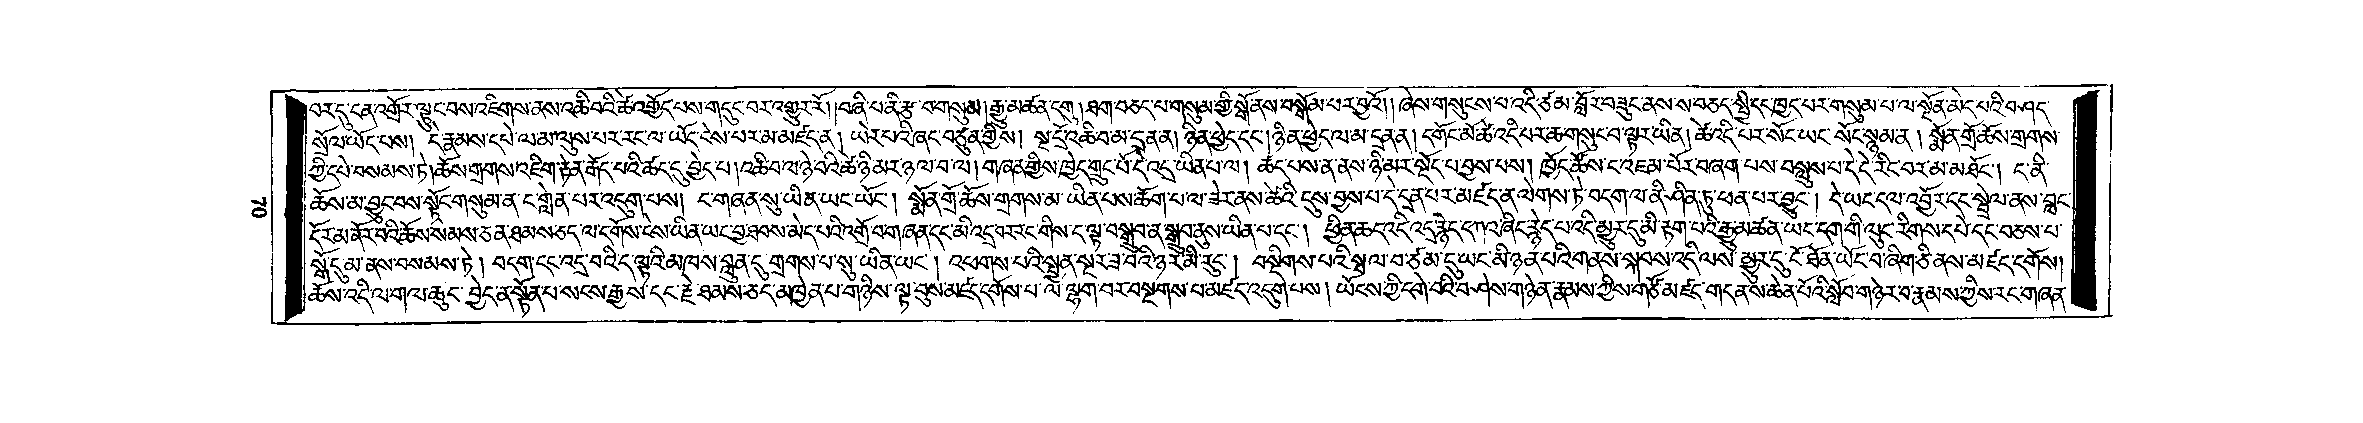བར་དུ་ངན་འགྲོར་ལྟུང་བས་འཇིགས་ནས་འཆི་བའི་ཚེ་འགྱོད་པས་གདུང་བར་འགྱུར་རོ། །བཞི་པ་ནི་རྩ་བ་གསུམ། རྒྱུ་མཚན་དགུ། ཐག་བཅད་པ་གསུམ་གྱི་སྒོ་ནས་བསྒོམ་པར་བྱའོ། །ཞེས་གསུངས་པ་འདི་ཙམ་བློར་བཟུང་ནས་ས་བཅད་སྤྱི་དང་ཁྱད་པར་གསུམ་པ་ལ་སྔོན་མེད་པའི་བཤད་
སྲོལ་ཡོད་པས། དེ་རྣམས་དཔེ་ལ་མ་ལུས་པར་རང་ལ་ཡོད་ངེས་པར་མ་མཛད་ན། ཡེར་པའི་ཞང་བཙུན་གྱིས། སྔ་དྲོ་འཆི་བ་མ་དྲན་ན། ཉིན་ཕྱེད་དང་། ཉིན་ཕྱེད་ལ་མ་དྲན་ན། དགོང་མོ་ཚེ་འདི་པར་ཆ་གསུང་བ་ལྟར་ཡིན། ཚེ་འདི་པར་སོང་ཡང་སོང་སྙམ་ན། སྨོན་གྲོ་ཆོས་གྲགས་
ཀྱི་དཔེ་བསམས་ཏེ། ཆོས་གྲགས་འཇིག་རྟེན་རྒོད་པའི་ཚད་དུ་བྱེད་པ། འཆི་བ་ལ་ཉེ་བའི་ཚེ་ཉི་མར་ཉལ་བ་ལ། གཞན་གྱིས་ཁྱེད་གྲུང་པོ་དེ་འདྲ་ཡིན་པ་ལ། ཚད་པས་ན་ནས་ཉི་མར་སྡོད་པ་བྱས་པས། ཁྱོད་ཚོས་ང་འཇམ་པོར་བཞག་པས་བསླུས་པ་དེ་དེ་རིང་བར་མ་མཐོང་། ད་ནི་
ཆོས་མ་བྱུང་བས་སྟོང་གསུམ་ན་ང་གླེན་པར་འདུག་པས། ང་གཞན་སུ་ཡིན་ཡང་ཡོང་། སྨོན་གྲོ་ཆོས་གྲགས་མ་ཡིན་པས་ཆོག་པ་ལ་ཟེར་ནས་ཚེའི་དུས་བྱས་པ་དེ་དྲན་པར་མཛད་ན་ལེགས་ཏེ་བདག་ལ་ནི་ཤིན་ཏུ་ཕན་པར་བྱུང་། དེ་ཡང་དལ་འབྱོར་དང་སྦྲེལ་ནས་བླང་
དོར་མ་ནོར་བའི་ཆོས་སེམས་ཅན་ཐམས་ཅད་ལ་དགོས་ངེས་ཡིན་ཡང་བྱ་ཐབས་མེད་པའི་འགྲོ་བ་གཞན་དང་མི་འདྲ་བར་རང་གིས་ད་ལྟ་བསྒྲུབ་ན་སྒྲུབ་ནུས་ཡིན་པ་དང་། ཕྱིན་ཆད་འདི་འདྲ་རྙེད་དཀའ་ཞིང་རྙེད་པ་འདི་མྱུར་དུ་མི་རྟག་པའི་རྒྱུ་མཚན་ཡང་དག་གི་ལུང་རིགས་དཔེ་དང་བཅས་པ་
སྒོ་དུ་མ་ནས་བསམས་ཏེ། བདག་དང་འདྲ་བའི་ད་ལྟའི་མཁས་བླུན་གདུ་གྲགས་པ་སུ་ཡིན་ཡང་། འཕགས་པའི་སྤྱན་སྔར་ཟ་བའི་ཉར་མི་རུང་། བསྡིགས་པའི་སྦལ་བ་ཙམ་དུ་ཡང་མི་ཉན་པའི་གནས་སྐབས་འདི་ལས་མྱུར་དུ་ངོ་ཐོན་ཡོང་བ་ཞིག་ཅི་ནས་མཛད་དགོས།
ཆོས་འདི་ལ་གལ་ཆུང་བྱེད་ན་སྟོན་པ་སངས་རྒྱས་དང་རྗེ་ཐམས་ཅད་མཁྱེན་པ་གཉིས་ལྟ་བུས་མཛད་དགོས་པ་ལ་ལྷག་པར་བསྔགས་པ་མཛད་འདུག་པས། ཡོངས་ཀྱི་དགེ་བའི་བཤེས་གཉེན་རྣམས་ཀྱིས་གཙོ་མཛད་གདན་ས་ཆེན་པོའི་སློབ་གཉེར་བ་རྣམས་ཀྱིས་རང་གཞན་